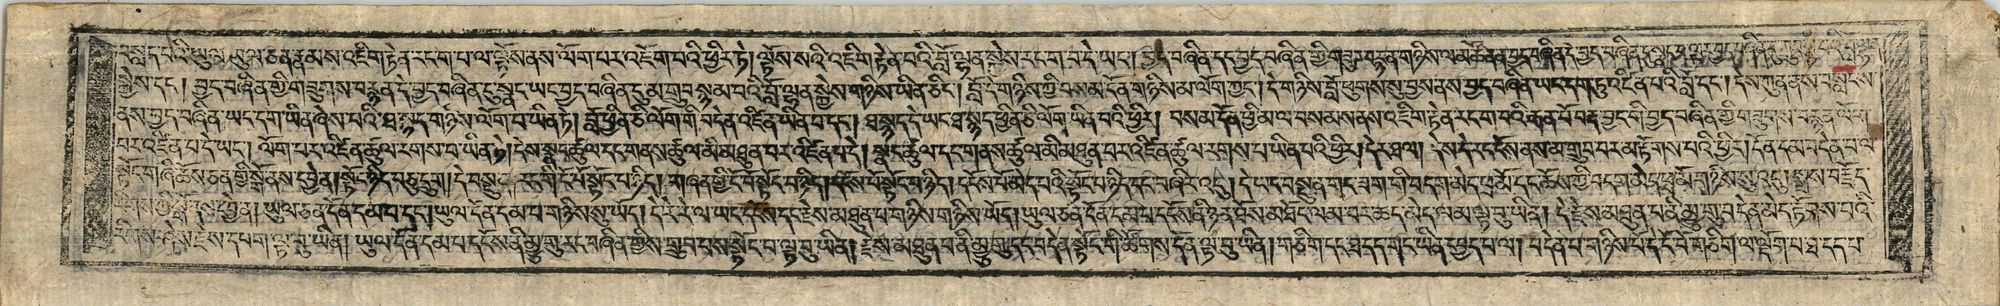བསླད་པའི་ཡུལ་ཡུལ་ཅན་རྣམས་འཇིག་རྟེན་རང་ག་བ་ལ་ལྟོས་ནས་ལོག་པར་འཇོག་པའི་ཕྱིར་ཏེ། ལྟོས་སའི་འཇིག་རྟེན་པའི་བློ་ལྷན་སྐྱེས་རང་ག་བ་དེ་ཡང་། བྱད་བཞིན་དང་བྱད་བཞིན་གྱི་གཟུགས་བརྙན་གཉིས་ལ་མཚོན་ན་བྱད་བཞིན་དེ་བྱད་བཞིན་དུ་སྣང་བ་ལྟར་བྱད་བཞིན་དུ་གྲུབ་སྙཾ་པའི་བློ་ལྷན་
སྐྱེས་དང་། བྱད་བཞིན་གྱི་གཟུགས་བརྙན་དེ་བྱད་བཞིན་དུ་སྣང་ཡང་བྱད་བཞིན་དུ་མ་གྲུབ་སྙམ་པའི་བློ་ལྷན་སྐྱེས་གཉིས་ཡིན་ཅིང་། བློ་དེ་གཉིས་ཀྱི་བསམ་དོན་གཉིས་མ་ལོག་ཀྱང་། དེ་གཉིས་བློ་ཕུགས་སུ་བྱས་ནས་བྱད་བཞིན་ཡང་དག་ཏུ་འཛིན་པའི་བློ་དང་། དེས་ཀུན་ནས་བསླངས་
ནས་བྱད་བཞིན་ཡང་དག་ཡིན་ཞེས་པའི་ཐ་སྙད་གཉིས་ལོག་པ་ཡིན་ཏེ། བློ་ཕྱིན་ཅི་ལོག་གི་བདེན་འཛིན་ཡིན་པ་དང་། ཐ་སྙད་དེ་ཡང་ཐ་སྙད་ཕྱིན་ཅི་ལོག་ཡིན་པའི་ཕྱིར། བསམ་དོན་ཕྱི་མ་ལ་བསམས་ནས་འཇིག་རྟེན་རང་ག་བའི་རྒན་པོ་བརྡ་བྱང་གི་བྱད་བཞིན་གྱི་གཟུགས་བརྙན་ལོག་
པར་འཛིན་པ་དེ་ཡང་། ལོག་པར་འཛིན་ཚུལ་རགས་པ་ཡིན་ཏེ། དེས་སྣང་ཚུལ་དང་གནས་ཚུལ་མི་མཐུན་པར་འཛིན་པ་དེ། སྣང་ཚུལ་དང་གནས་ཚུལ་མི་མཐུན་པར་འཛིན་ཚུལ་རགས་པ་ཡིན་པའི་ཕྱིར། དེར་ཐལ། དེས་དེ་རང་ངོས་ནས་མ་གྲུབ་པར་མ་རྟོགས་པའི་ཕྱིར། དོན་དམ་བདེན་པ་ལ་
སྟོང་གཞི་ཆོས་ཅན་གྱི་སྒོ་ནས་དབྱེ་ན། སྟོང་ཉིད་བཅུ་དྲུག །དེ་བསྡུ་ན། རང་གི་བོ་པོ་སྙོངྤ་ཉིད། གཞན་གྱི་ངོ་བོ་སྟོང་པ་ཉིད། དངོས་པོ་སྟོང་པ་ཉིད། དངོས་པོ་མེད་པའི་སྟོང་པ་ཉིད་དང་བཞིར་འདུ། དེ་ཡང་བསྡུ་ན་གང་ཟག་གི་བདག་མེད་ཕྲ་མོ་དང་ཆོས་ཀྱི་བདག་མེད་ཕྲ་མོ་གཉིས་སུ་འདུ། སྒྲས་བརྗོད་
རིགས་ཀྱི་སྒོ་ནས་དབྱེ་ན། ཡུལ་ཅན་དོན་དམ་པ་དང་། ཡུལ་དོན་དམ་པ་གཉིས་སུ་ཡོད། དེ་རེ་རེ་ལ་ཡང་དངོས་དང་རྗེས་མཐུན་པ་གཉིས་གཉིས་ཡོད། ཡུལ་ཅན་དོན་དམ་པ་དངོས་ནི་ཉན་ཐོས་མཐོང་ལམ་བར་ཆད་མེད་ལམ་ལྟ་བུ་ཡིན། དེ་རྗེས་མཐུན་པ་ནི་མྱུ་གུ་བདེན་མེད་རྟོགས་པའི་
རིགས་ཤེས་རྗེས་དཔག་ལྟ་བུ་ཡིན། ཡུལ་དོན་དམ་པ་དངོས་ནི་མྱུ་གུ་རང་བཞིན་གྱིས་གྲུབ་པས་སྟོང་བ་ལྟ་བུ་ཡིན། རྗེས་མཐུན་པ་ནི་མྱུ་གུ་དང་བདེན་སྟོང་གི་ཚོགས་དོན་ལྟ་བུ་ཡིན། གཅིག་དང་ཐ་དད་གང་ཡིན་དཔྱད་པ་ལ། བདེན་པ་གཉིས་པོ་དེ་ངོ་བོ་གཅིག་ལ་ལྡོག་པ་ཐ་དད་པ་